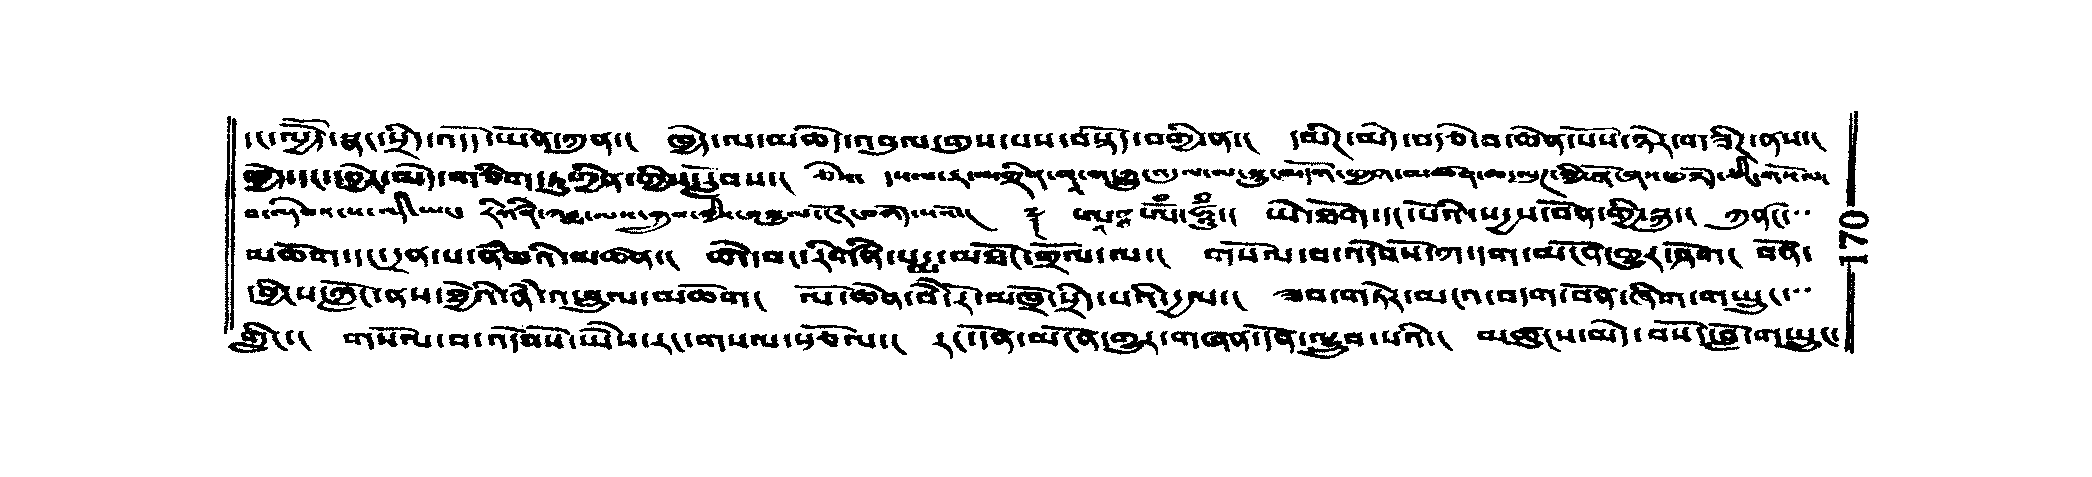དང་ལོངས་སྤྱོད་སྣང་སྲིད་འདོད་ཡོན་ཀུན། །ཁྱེད་ལ་མཆོད་འབུལ་གུས་པས་བསྟོད་བགྱི་ན། །དམིགས་མེད་བརྩེ་བ་ཆེན་པོས་ཉེར་གཟིགས་ནས། །
ཁྱེད་དང་དབྱེར་མེད་གཅིག་ཏུ་བྱིན་གྱིས་རློབས། ཅེས་དཔལ་རྟ་མགྲིན་ནཱ་ག་ཀླུ་འདུལ་ལ་སྐུ་མདོག་ཕྱག་མཚན་ཆ་ལུགས་ཀྱི་སྒོ་ནས་བསྟོད་ཅིང་གསོལ་
བ་འདེབས་པ་འདི་ཡང་། རིག་འཛིན་ཀརྨ་ལས་གྲུབ་ཀྱིས་བསྐུལ་ངོར་བཀོད་པའོ།། ༈ ཨཱཿཨོཾ་ཧཱུྃ། ཡེ་ཐོག་དང་པོའི་སངས་རྒྱས་བོན་གྱི་སྐུ། །ཀུན་བཟང་
མཆོག་དང་དྲན་པ་ནམ་མཁའི་མཚན། །ཚེ་དབང་རིག་འཛིན་པདྨ་མཐོང་གྲོལ་ལ། །གསོལ་བ་འདེབས་སོ་ཀ་དག་མངོན་གྱུར་ཤོག །བོན་
དབྱིངས་ཀློང་ནས་ཐུགས་རྗེའི་རྣམ་འཕྲུལ་མཆོག །ལོ་ཆེན་བཻ་རོ་མཁའ་འགྲོ་སྲིད་པའི་རྒྱལ། །ཟབ་གཏེར་མངའ་བདག་བོན་ཞིག་གཡུང་དྲུང་
གླིང་། །གསོལ་བ་འདེབས་སོ་ཡེ་ཤེས་རང་གསལ་སྩོལ། །རང་དོན་མངོན་གྱུར་གཞན་དོན་ལྷུན་གྲུབ་པའི། །མཚུངས་མེད་བསོད་བློ་གཡུང་དྲུང་